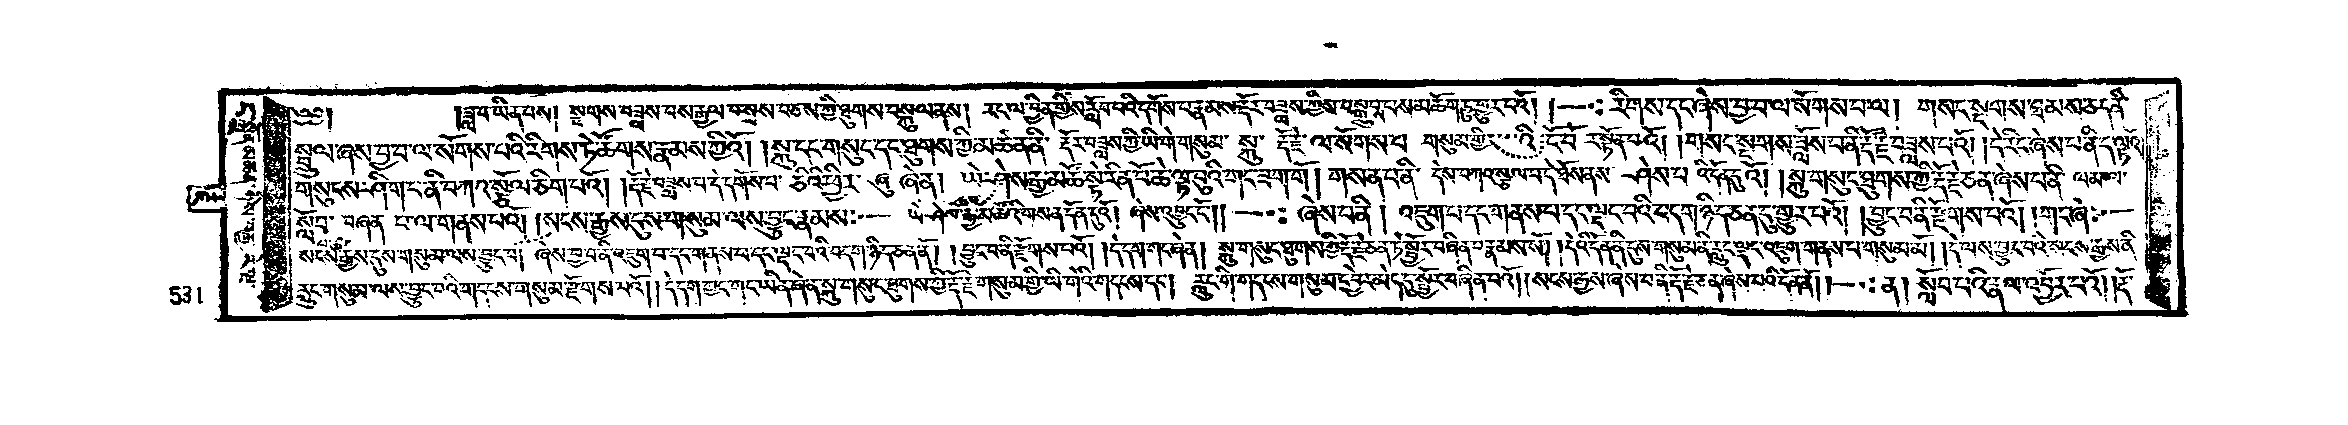༄༅། །པ་མ་ཡིན་པས། སྔགས་བཟླས་བས་རྒྱལ་བ་སྲས་བཅས་ཀྱི་ཐུགས་བསྐུལ་ནས། རང་ལ་བྱིན་གྱིས་རློབ་པའི་དགོས་པ་རྣམས་རྡོར་བཟླས་ཀྱིས་བསྒྲུབས་པས་མཆོག་ཏུ་གྱུར་པའོ།། .Hརིགས་དང་ཞེས་བྱ་བ་ལ་སོགས་པ་ལ། གསང་སྔགས་ཐམས་ཅད་ནི་
སྤྲུལ་ཞེས་བྱ་བ་ལ་སོགས་པའི་རིགས་ཏེ་ཚོགས་རྣམས་ཀྱིའོ། །སྐུ་དང་གསུང་དང་ཐུགས་ཀྱི་མཚན་ནི་རྡོར་བཟླས་ཀྱི་ཡི་གེ་གསུམ་སྐུ་རྡོ་རྗེ་ལ་སོགས་པ་གསུམ་གྱི་འི་ངོ་བོར་སྟོན་པའོ། །གསང་སྔགས་ཟློས་པ་ནི་རྡོ་རྗེ་བཟླས་པའོ། །དེ་རིང་ཞེས་པ་ནི་ད་ལྟའོ།།
གསུངས་ཤིག་པ་ནི་བཀའ་སྩོལ་ཅིག་པའོ། །རྡོ་རྗེ་བཟླས་པ་དེ་དགོས་པ་ཅིའི་ཕྱིར་ཞུ་ཞེན། ཡེ་ཤེས་རྒྱ་མཚོ་སྟེ་རིན་པོ་ཆེ་ལྟ་བུའི་གང་ཟག་གོ །གསན་པ་ནི་དེས་བཀའ་སྩལ་པ་དེ་ཐོས་ནས་ཤེས་པའི་དོན་དུའོ། །སྐུ་གསུང་ཐུགས་ཀྱི་རྡོ་རྗེ་ཅན་ཞེས་པ་ནི་ལམ་ལ་
སློབ་གཞན་པ་ལ་གནས་པའོ། །སངས་རྒྱས་དུས་གསུམ་ལས་བྱུང་རྣམསཿ་ཡེ་ཤེས་རྒྱ་པ་ཚབ་མཚོའི་གསན་དོན་དུའོ། ཞེས་འབྱུང་ངོ།།  .H ཞེས་པ་ནི། འཇུག་པ་དང་གནས་པ་དང་ལྡང་བའི་བདག་ཉིད་ཅན་དུ་གྱུར་པའོ། །བྱུང་བ་ནི་རྫོགས་པའོ། །གང་ཞེཿ
པ་ཚབ་སངས་རྒྱས་དུས་གསུམ་ལས་བྱུང་བ། ཞེས་བྱ་བ་ནི་འཇུག་པ་དང་གནས་པ་དང་ལྡང་བའི་བདག་ཉིད་ཅན་ནོ། །བྱུང་བ་ནི་རྫོགས་པའོ། །དེ་དག་གང་ཞེ་ན། སྐུ་གསུང་ཐུགས་ཀྱི་རྡོ་རྗེ་ཅན་ཏེ་སྦྱོར་བཞིན་པ་རྣམས་སོ། །དེའི་དོན་ནི་དུས་གསུམ་ནི་རླུང་ལྡང་འཇུག་གནས་པ་གསུམ་མོ། །དེ་ལས་བྱུང་བའི་སངས་རྒྱས་ནི་
རླུང་གསུམ་ལས་བྱུང་བའི་གདངས་གསུམ་རྫོགས་པའོ། །དེ་དག་ཀྱང་གང་ཡིན་ཞེ་ན་སྐུ་གསུང་ཐུགས་ཀྱི་རྡོ་རྗེ་གསུམ་གྱི་ཡི་གེའི་གདངས་དང་། རླུང་གི་གདངས་གསུམ་དབྱེར་མེད་དུ་སྦྱོར་བཞིན་པའོ། །སངས་རྒྱས་ཞེས་པ་ནི་རྡོ་རྗེ་ཅན་ཞེས་པའི་དོན་ནོ།། .Hན། སློབ་པའི་རྣལ་འབྱོར་པའོ། །རྡོ་